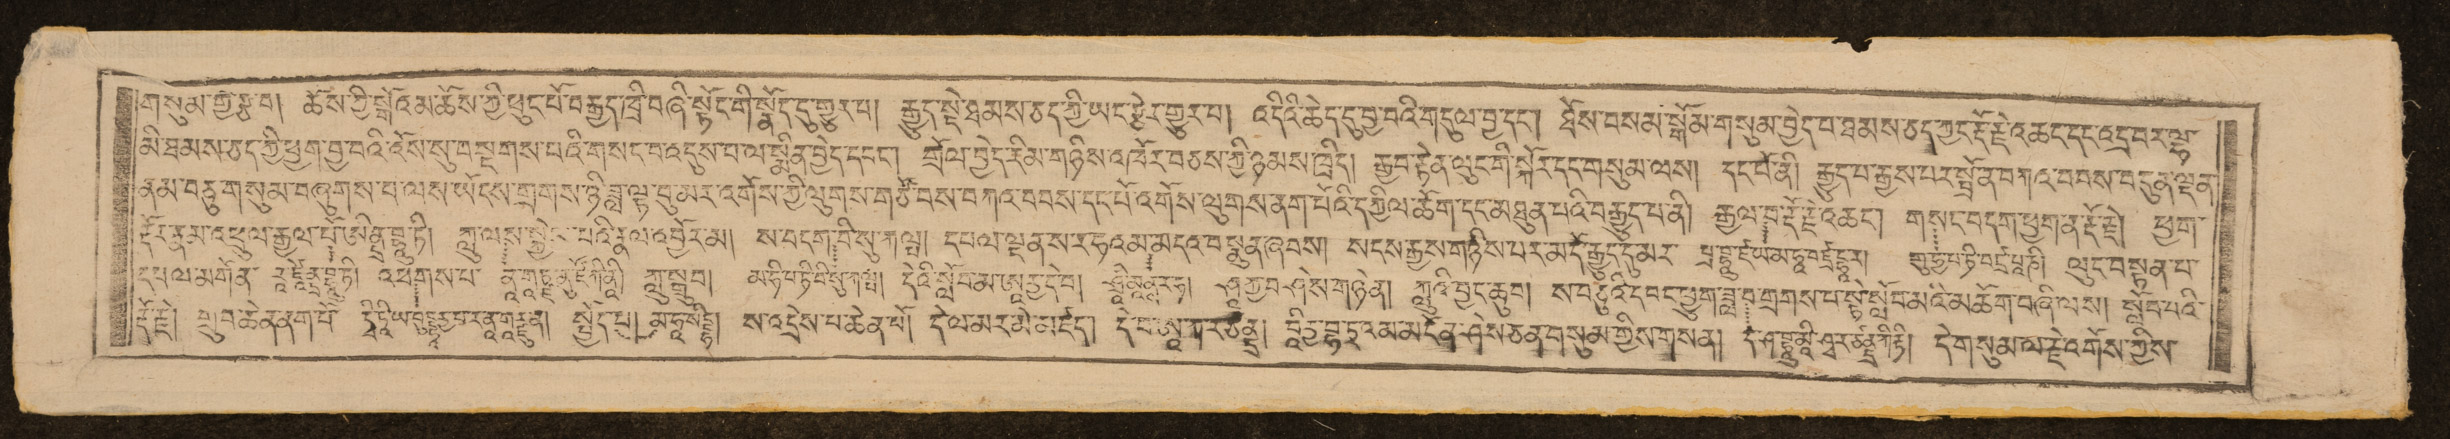གསུམ་གྱི་རྩ་བ། ཆོས་ཀྱི་སྒོའམ་ཆོས་ཀྱི་ཕུང་པོ་བརྒྱད་ཁྲི་བཞི་སྟོང་གི་སྣོད་དུ་གྱུར་པ། རྒྱུད་སྡེ་ཐམས་ཅད་ཀྱི་ཡང་རྩེར་གྱུར་པ། འདིའི་ཆེད་དུ་བྱ་བའི་གདུལ་བྱ་དང་། ཐོས་བསམ་སྒོམ་གསུམ་བྱེད་པ་ཐམས་ཅད་ཀྱང་རྡོ་རྗེ་འཆང་དང་འདྲ་བར་ལྷ་
མི་ཐམས་ཅད་ཀྱི་ཕྱག་བྱ་བའི་འོས་སུ་བསྔགས་པའི་གསང་བ་འདུས་པ་ལ་སྨིན་བྱེད་དབང་། གྲོལ་བྱེད་རིམ་གཉིས་འཁོར་བཅས་ཀྱི་ཉམས་ཁྲིད། རྒྱབ་རྟེན་ལུང་གི་སྐོར་དང་གསུམ་ལས། དང་པོ་ནི། རྒྱུད་པ་རྒྱས་པར་སྦྲོ་ན་བཀའ་བབས་བདུན་ལྡན་
ནམ་བཅུ་གསུམ་བཞུགས་པ་ལས་ཡོངས་གྲགས་ཉི་ཟླ་ལྟ་བུ་མར་འགོས་ཀྱི་ལུགས་གཙོ་བས་བཀའ་བབས་དང་པོ་འགོས་ལུགས་ནག་པོའི་དཀྱིལ་ཆོག་དང་མཐུན་པའི་བརྒྱུད་པ་ནི། རྒྱལ་བ་རྡོ་རྗེ་འཆང་། གསང་བདག་ཕྱག་ན་རྡོ་རྗེ། ཕྱག་
རྡོར་རྣམ་འཕྲུལ་རྒྱལ་པོ་ཨིནྡྲ་བྷཱུ་ཏི། ཀླུ་ལས་སྐྱེལ་པའི་རྣལ་འབྱོར་མ། ས་བདག་བི་སུ་ཀ་ཝ། དཔལ་ལྡན་ས་ར་ཧའམ་མདའ་བསྣུན་ཞབས། སངས་རྒྱས་གཉིས་པར་མདོ་རྒྱུད་དུ་མར་པྲ་བྷཱུ་ཛ་ཡ་མ་ཧཱ་བྫྲ་དྷཱ་ར། གུ་ཧྱ་པ་ཏི་བྫྲ་ཎི། ལུང་བསྟན་པ་
དཔལ་མགོན་ཙནྡྲ་བྷཱུ་ཏི། འཕགས་པ་ནའ་གཱ་དཱ་མུ་རོ་ཀི་ནི། ཀླུ་སྒྲུབ། མ་ཉི་པ་ཏིའི་????་དེའི་སློབ་མ་ཨཱརྒྱ་དེ་བ། ཤྲཱི་མཱ་ནཱ་ར་ཧ། ཤཱཀྱ་བཤེས་གཉེན། ཀླུའི་བྱང་ཆུབ། ས་བཅུའི་དབང་ཕྱུག་ཟླ་བ་གྲགས་པ་སྟེ་སློབ་མའི་མཆོག་བཞི་ལས། སློབ་པའི་
རྡོ་རྗེ། གྲུབ་ཆེན་ནག་པོ་དྭི་ཏཱི་ཡ་བུདྡྷཱ་པ་ར་ནཱ་གཱ་རྫུན། སྤྱོད་པ། མ་ཧཱ་སིདྡྷི། ས་འདྲེས་པ་ཆེན་པོ། དེ་ལ་མར་མེ་མཛད། དེ་པ་ཨཱ་ཀ་ར་ཙནྡྲ། བཱིརྱ་བྷ་ཏྲ་འམ་མངོན་ཤེས་ཅན་གསུམ་གྱིས་གསན། ད་ཤ་བྷཱུ་མཱི་ཤྭ་ར་ཙནྡྲ་ཀིརྟི། དེ་གསུམ་ལ་རྗེ་འགོས་ཀྱིས་